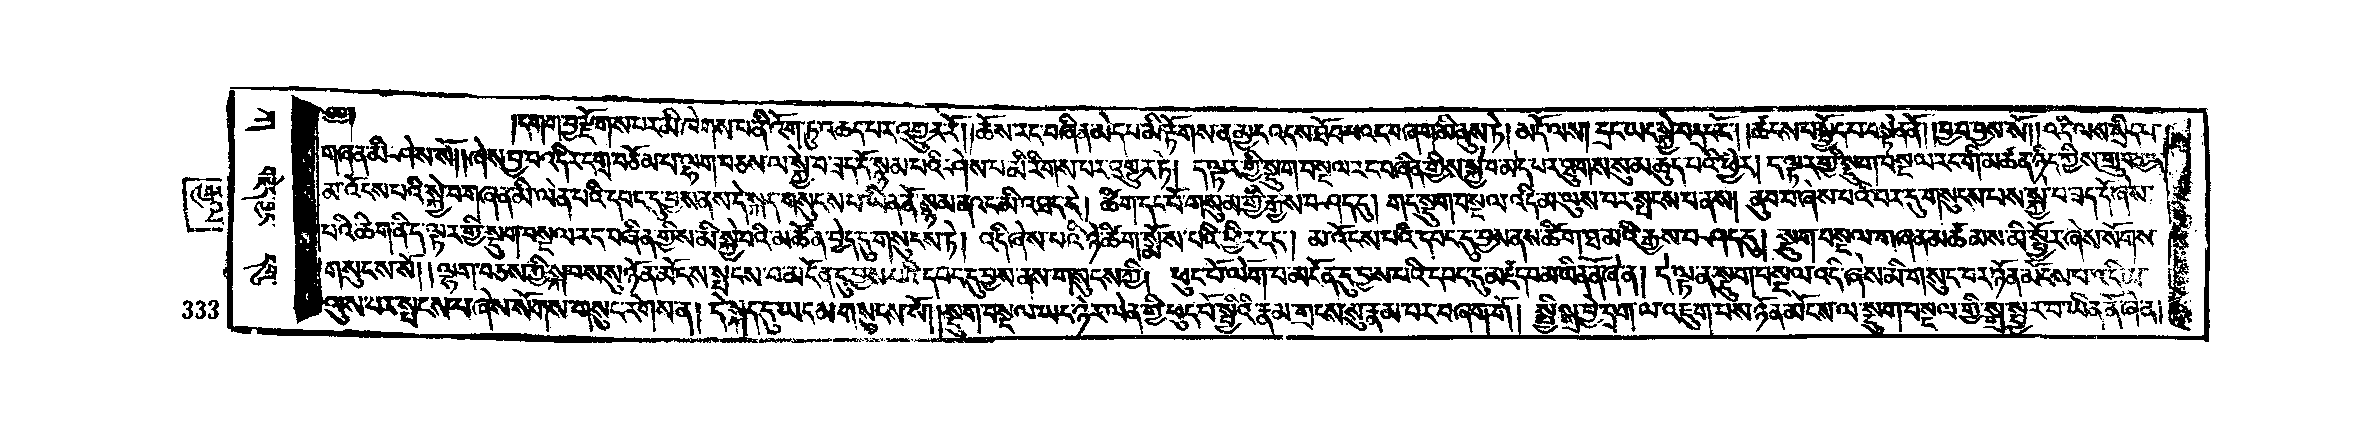༄༅། །དགག་བྱ་རྫོགས་པར་མི་ཁེགས་པ་ནི་འོག་ཏུ་འཆད་པར་འགྱུར་རོ། །ཆོས་རང་བཞིན་མེད་པ་མི་རྟོགས་ན་མྱང་འདས་ཐོབ་པའང་བཞག་མི་ནུས་ཏེ། མདོ་ལས། དྲང་ཡང་སྐྱེ་བ་དྲང་ངོ། །ཚངས་པ་སྤྱོད་པ་བསྟེན་ནོ། །བྱ་བ་བྱས་སོ། །འདི་ལས་སྲིད་པ་
གཞན་མི་ཤེས་སོ། །ཞེས་བྱ་བ་འདིར་དགྲ་བཅོམ་པ་ལྷག་བཅས་ལ་སྐྱེ་བ་ཟད་དོ་སྙམ་པའི་ཤེས་པ་མི་རིགས་པར་འགྱུར་ཏེ། ད་ལྟར་གྱི་སྡུག་བསྔལ་རང་བཞིན་གྱིས་སྐྱེ་བ་མེད་པར་ཐུགས་སུ་མ་ཆུད་པའི་ཕྱིར། ད་ལྟར་གྱི་སྡུག་བསྔལ་རང་གི་མཚན་ཉིད་ཀྱིས་གྲུབ་ཀྱང་
མ་འོངས་པའི་སྐྱེ་བ་གཞན་མི་ལེན་པའི་དབང་དུ་བྱས་ནས་དེ་སྐད་གསུངས་པ་ཡིན་ནོ་སྙམ་ནའང་མི་འཐད་དེ། ཚིག་དང་པོ་གསུམ་གྱི་རྒྱས་བཤད་དུ། གང་སྡུག་བསྔལ་འདི་མ་ལུས་པར་སྤངས་པ་ནས། ནུབ་པ་ཞེས་པའི་བར་དུ་གསུངས་པས་སྐྱེ་བ་ཟད་དོ་ཞེས་
པའི་ཚིག་ནི་ད་ལྟར་གྱི་སྡུག་བསྔལ་རང་བཞིན་གྱིས་མི་སྐྱེ་བའི་མཚོན་བྱེད་དུ་གསུངས་ཏེ། འདི་ཞེས་པའི་ཉེ་ཚིག་སྨོས་པའི་ཕྱིར་དང་། མ་འོངས་པའི་དབང་དུ་བྱས་ནས་ཚིག་ཐ་མའི་རྒྱས་བཤད་དུ། སྡུག་བསྔལ་གཞན་མཚམས་མི་སྦྱོར་ཞེས་སོགས་
གསུངས་སོ། །ལྷག་བཅས་ཀྱི་སྐབས་སུ་ཉོན་མོངས་སྤངས་བ་མངོན་དུ་བྱས་པའི་དབང་དུ་བྱས་ནས་གསུངས་ཀྱི། ཕུང་པོ་ལོག་པ་མངོན་དུ་བྱས་པའི་དབང་དུ་མཛད་པ་མ་ཡིན་ནོ་ཞེ་ན། དེ་ལྟ་ན་སྡུག་བསྔལ་འདི་ཞེས་མི་གསུང་བར་ཉོན་མོངས་པ་འདི་མ་
ལུས་པར་སྤངས་པ་ཞེས་སོགས་གསུང་རེགས་ན། དེ་སྐད་དུ་ཡང་མ་གསུངས་སོ། །སྡུག་བསྔལ་ཡང་ཉེར་ལེན་གྱི་ཕུང་པོ་སྤྱིའི་རྣམ་གྲངས་སུ་རྣམ་པར་བཞག་གོ །སྤྱི་སྒྲ་བྱེ་བྲག་ལ་འཇུག་པས་ཉོན་མོངས་ལ་སྡུག་བསྔལ་གྱི་སྒྲ་སྦྱར་བ་ཡིན་ནོ་ཞེ་ན།